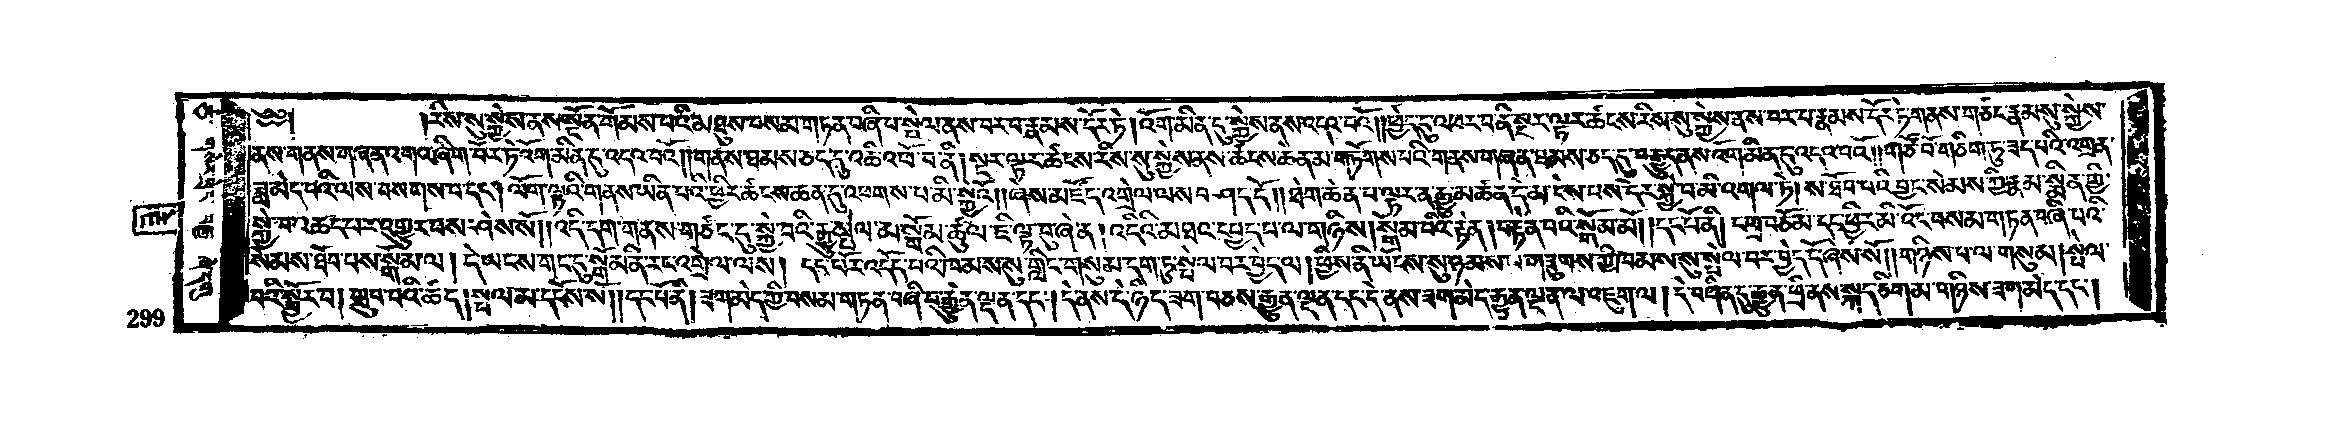༄༅། །རིས་སུ་སྐྱེས་ནས་སྔོན་གོམས་པའི་མཐུས་བསམ་གཏན་བཞི་པ་སྤེལ་ནས་བར་པ་རྣམས་དོར་ཏེ། འོག་མིན་དུ་སྐྱེས་ནས་འདའ་བའོ། །ཕྱེད་དུ་འཕར་བ་ནི་སྔར་ལྟར་ཚངས་རིས་སུ་སྐྱེས་ནས་བར་པ་རྣམས་དོར་ཏེ་གནས་གཙང་རྣམས་སུ་སྐྱེས་
ནས་གནས་གཞན་འགའ་ཞིག་བོར་ཏེ་འོག་མིན་དུ་འདའ་བའོ། །གནས་ཐམས་ཅད་དུ་འཆི་འཕོ་བ་ནི། སྔར་ལྟར་ཚངས་རིས་སུ་སྐྱེས་ནས་ཚངས་ཆེན་མ་གཏོགས་པའི་གནས་གཞན་ཐམས་ཅད་དུ་བརྒྱུད་ནས་འོག་མིན་དུ་འདའ་བའོ། །གཙོ་བོ་གཅིག་ཏུ་ཟད་པའི་འགྲན་
ཟླ་མེད་པའི་ལས་བསགས་པ་དང་། ལོག་ལྟའི་གནས་ཡིན་པའི་ཕྱིར་ཚངས་ཆེན་དུ་འཕགས་པ་མི་སྐྱེའོ། །ཞེས་མཛོད་འགྲེལ་ལས་བཤད་དོ། །ཐེག་ཆེན་པ་ལྟར་ན་རྒྱུ་མཚན་དེ་མ་ངེས་པས་དེར་སྐྱེ་བ་མི་འགལ་ཏེ། ས་ཐོབ་པའི་བྱང་སེམས་ཀྱི་རྣམ་སྨིན་གྱི་
སྐྱེ་བ་འཆད་པར་འགྱུར་པས་ཤེས་སོ། །འདི་དག་གནས་གཙང་དུ་སྐྱེ་བའི་རྒྱུ་སྤེལ་མ་སྒོམ་ཚུལ་ཇི་ལྟ་བུ་ཞེ་ན། འདིའི་མཐའ་དཔྱད་པ་ལ་གཉིས། སྒོམ་པའི་རྟེན། བརྟེན་པའི་སྒོམ་མོ། །དང་པོ་ནི། དགྲ་བཅོམ་དང་ཕྱིར་མི་འོང་བསམ་གཏན་བཞི་པའི་
སེམས་ཐོབ་པས་སྒོམ་ལ། དེ་ཡང་ས་གང་དུ་སྒོམ་ནི་རང་འགྲེལ་ལས། དང་པོར་འདོད་པའི་ཁམས་སུ་གླིང་གསུམ་དག་ཏུ་སྤེལ་བར་བྱེད་ལ། ཕྱིས་ནི་ཡོངས་སུ་ཉམས་པ་གཟུགས་ཀྱི་ཁམས་སུ་སྤེལ་བར་བྱེད་དོ་ཞེས་སོ། །གཉིས་པ་ལ་གསུམ། སྤེལ་
བའི་སྦྱོར་བ། གྲུབ་པའི་ཚད། སྤེལ་མ་དངོས་སོ། །དང་པོ་ནི། ཟག་མེད་ཀྱི་བསམ་གཏན་བཞི་པ་རྒྱུན་ལྡན་དང་། དེ་ནས་དེ་ཉིད་ཟག་བཅས་རྒྱུན་ལྡན་དང་དེ་ནས་ཟག་མེད་རྒྱུན་ལྡན་ལ་འཇུག་ལ། དེ་བཞིན་དུ་རྒྱུན་ཕྲི་ནས་སྐད་ཅིག་མ་གཉིས་ཟག་མེད་དང་།